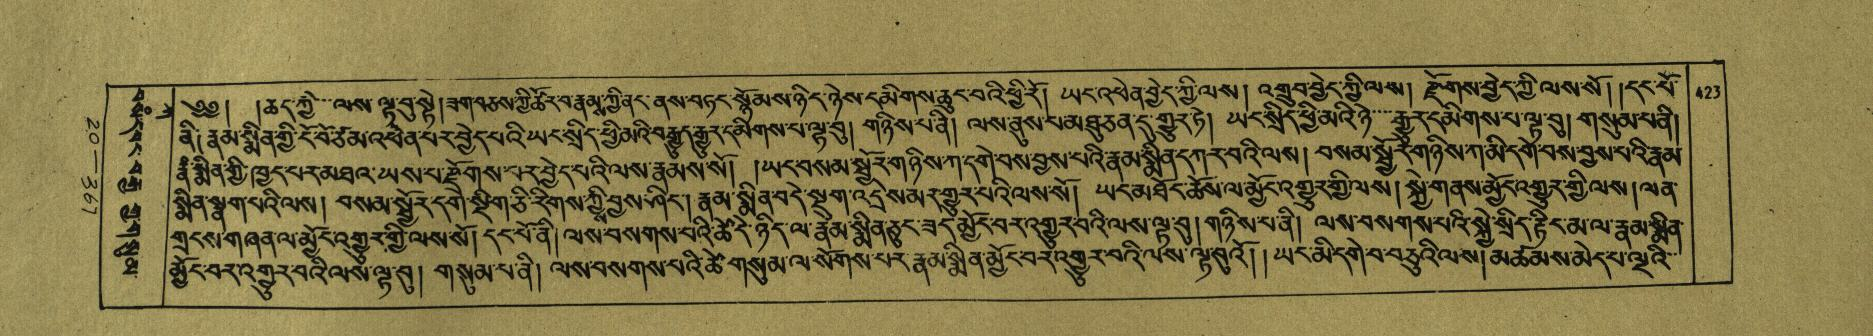༄༅། །ཆད་ཀྱི་ལས་ལྟ་བུ་སྟེ། ཟག་བཅས་ཀྱི་ཚོར་བ་རྣམས་ཀྱི་ནང་ནས་བཏང་སྙོམས་ཉིད་ཉེས་དམིགས་ཆུང་བའི་ཕྱི་རོ། ཡང་འཕེན་བྱེད་ཀྱི་ལས། འགྲུབ་བྱེད་ཀྱི་ལས། རྫོགས་བྱེད་ཀྱི་ལས་སོ། །དང་པོ་
ནི༑ རྣམ་སྨིན་གྱི་ངོ་བོ་ཙམ་འཕེན་པར་བྱེད་པའི་ཡང་སྲིད་ཕྱི་མའི་བརྒྱུད་རྒྱུར་དམིགས་པ་ལྟ་བུ། གཉིས་པ་ནི། ལས་ནུས་པ་མཐུ་ཅན་དུ་གྱུར་ཏེ། ཡང་སྲིད་ཕྱི་མའི་ཉེ་རྒྱུར་དམིགས་པ་ལྟ་བུ། གསུམ་པ་ནི།
རྣཾ་སྨིན་གྱི་ཁྱད་པར་མཐའ་ཡས་པ་རྫོགས་པར་བྱེད་པའི་ལས་རྣམས་སོ། །ཡང་བསམ་སྦྱོར་གཉིས་ཀ་དགེ་བས་བྱས་པའི་རྣམ་སྨིན་དཀར་བའི་ལས། བསམ་སྦྱོར་གཉིས་ཀ་མི་དགེ་བས་བྱས་པའི་རྣམ་
སྨིན་སྣག་པའི་ལས། བསམ་སྦྱོར་དགེ་སྡིག་ཅི་རིགས་ཀྱིས་བྱས་ཤིང་། རྣམ་སྨིན་བདེ་སྡུག་འདྲེས་མར་གྱུར་པའི་ལས་སོ། ཡང་མཐོང་ཆོས་ལ་མྱོང་འགྱུར་གྱི་ལས། སྐྱེ་གནས་མྱོང་འགྱུར་གྱི་ལས། ལན་
གྲངས་གཞན་ལ་མྱོང་འགྱུར་གྱི་ལས་སོ། དང་པོ་ནི། ལས་བསགས་པའི་ཚེ་དེ་ཉིད་ལ་རྣམ་སྨིན་ཅུང་ཟད་མྱོང་བར་འགྱུར་བའི་ལས་ལྟ་བུ། གཉིས་པ་ནི། ལས་བསགས་པའི་སྐྱེ་སྲིད་རྟིང་མ་ལ་རྣམ་སྨིན་
མྱོང་བར་འགྱུར་བའི་ལས་ལྟ་བུ། གསུམ་པ་ནི། ལས་བསགས་པའི་ཚེ་གསུམ་ལ་སོགས་པར་རྣམ་སྨིན་མྱོང་བར་འགྱུར་བའི་ལས་ལྟ་བུའོ། །ཡང་མི་དགེ་བ་བཅུའི་ལས། མཚམས་མེད་པ་ལྔའི་